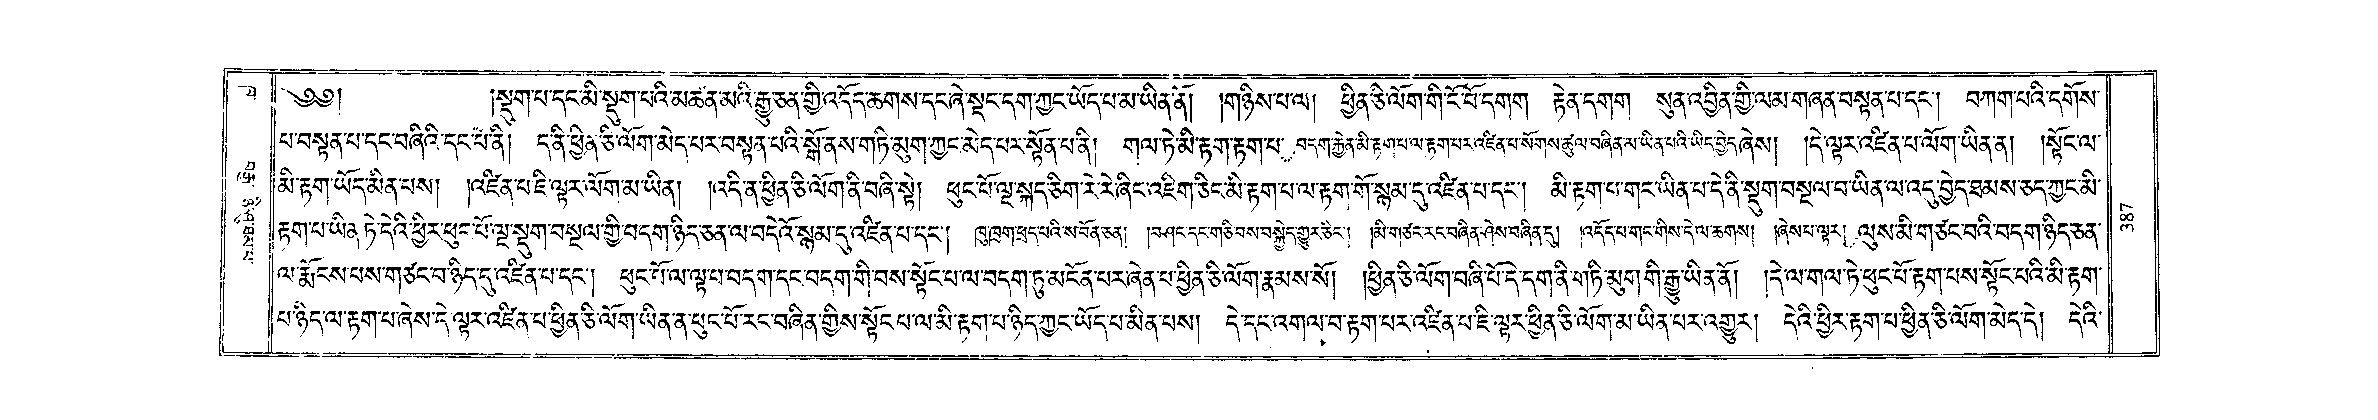༄༅། །སྡུག་པ་དང་མི་སྡུག་པའི་མཚན་མའི་རྒྱུ་ཅན་གྱི་འདོད་ཆགས་དང་ཞེ་སྡང་དག་ཀྱང་ཡོད་པ་མ་ཡིན་ནོ། །གཉིས་པ་ལ། ཕྱིན་ཅི་ལོག་གི་ངོ་བོ་དགག་རྟེན་དགག་སུན་འབྱིན་གྱི་ལམ་གཞན་བསྟན་པ་དང་། བཀག་པའི་དགོས་
པ་བསྟན་པ་དང་བཞིའི་དང་པོ་ནི། ད་ནི་ཕྱིན་ཅི་ལོག་མེད་པར་བསྟན་པའི་སྒོ་ནས་གཏི་མུག་ཀྱང་མེད་པར་སྟོན་པ་ནི། གལ་ཏེ་མི་རྟག་རྟག་པ་བདག་རྐྱེན་མི་རྟག་པ་ལ་རྟག་པར་འཛིན་པ་སོགས་ཚུལ་བཞིན་མ་ཡིན་པའི་ཡིད་བྱེད་ཞེས། །དེ་ལྟར་འཛིན་པ་ལོག་ཡིན་ན། །སྟོང་ལ་
མི་རྟག་ཡོད་མིན་པས། །འཛིན་པ་ཇི་ལྟར་ལོག་མ་ཡིན། །འདི་ན་ཕྱིན་ཅི་ལོག་ནི་བཞི་སྟེ། ཕུང་པོ་ལྔ་སྐད་ཅིག་རེ་རེ་ཞིང་འཇིག་ཅིང་མི་རྟག་པ་ལ་རྟག་གོ་སྙམ་དུ་འཛིན་པ་དང་། མི་རྟག་པ་གང་ཡིན་པ་དེ་ནི་སྡུག་བསྔལ་པ་ཡིན་ལ་འདུ་བྱེད་ཐམས་ཅད་ཀྱང་མི་
རྟག་པ་ཡིན་ཏེ་དེའི་ཕྱིར་ཕུང་པོ་ལྔ་སྡུག་བསྔལ་གྱི་བདག་ཉིད་ཅན་ལ་བདེའོ་སྙམ་དུ་འཛིན་པ་དང་། ཁུ་ཁྲག་ཕྲད་པའི་ས་བོན་ཅན། །བཤང་དང་གཅི་བས་བསྐྱེད་གྱུར་ཅིང་། །མི་གཙང་རང་བཞིན་ཤེས་བཞིན་དུ། །འདོད་པ་གང་གིས་དེ་ལ་ཆགས། །ཞེས་པ་ལྟར།  ལུས་མི་གཙང་བའི་བདག་ཉིད་ཅན་
ལ་རྨོངས་པས་གཙང་བ་ཉིད་དུ་འཛིན་པ་དང་། ཕུང་པོ་ལ་ལྟ་བ་བདག་དང་བདག་གི་བས་སྟོང་པ་ལ་བདག་ཏུ་མངོན་པར་ཞེན་པ་ཕྱིན་ཅི་ལོག་རྣམས་སོ། །ཕྱིན་ཅི་ལོག་བཞི་པོ་དེ་དག་ནི་གཏི་མུག་གི་རྒྱུ་ཡིན་ནོ། །དེ་ལ་གལ་ཏེ་ཕུང་པོ་རྟག་པས་སྟོང་པའི་མི་རྟག་
པ་ཉིད་ལ་རྟག་པ་ཞེས་དེ་ལྟར་འཛིན་པ་ཕྱིན་ཅི་ལོག་ཡིན་ན་ཕུང་པོ་རང་བཞིན་གྱིས་སྟོང་པ་ལ་མི་རྟག་པ་ཉིད་ཀྱང་ཡོད་པ་མིན་པས། དེ་དང་འགལ་བ་རྟག་པར་འཛིན་པ་ཇི་ལྟར་ཕྱིན་ཅི་ལོག་མ་ཡིན་པར་འགྱུར། དེའི་ཕྱིར་རྟག་པ་ཕྱིན་ཅི་ལོག་མེད་དེ། དེའི་